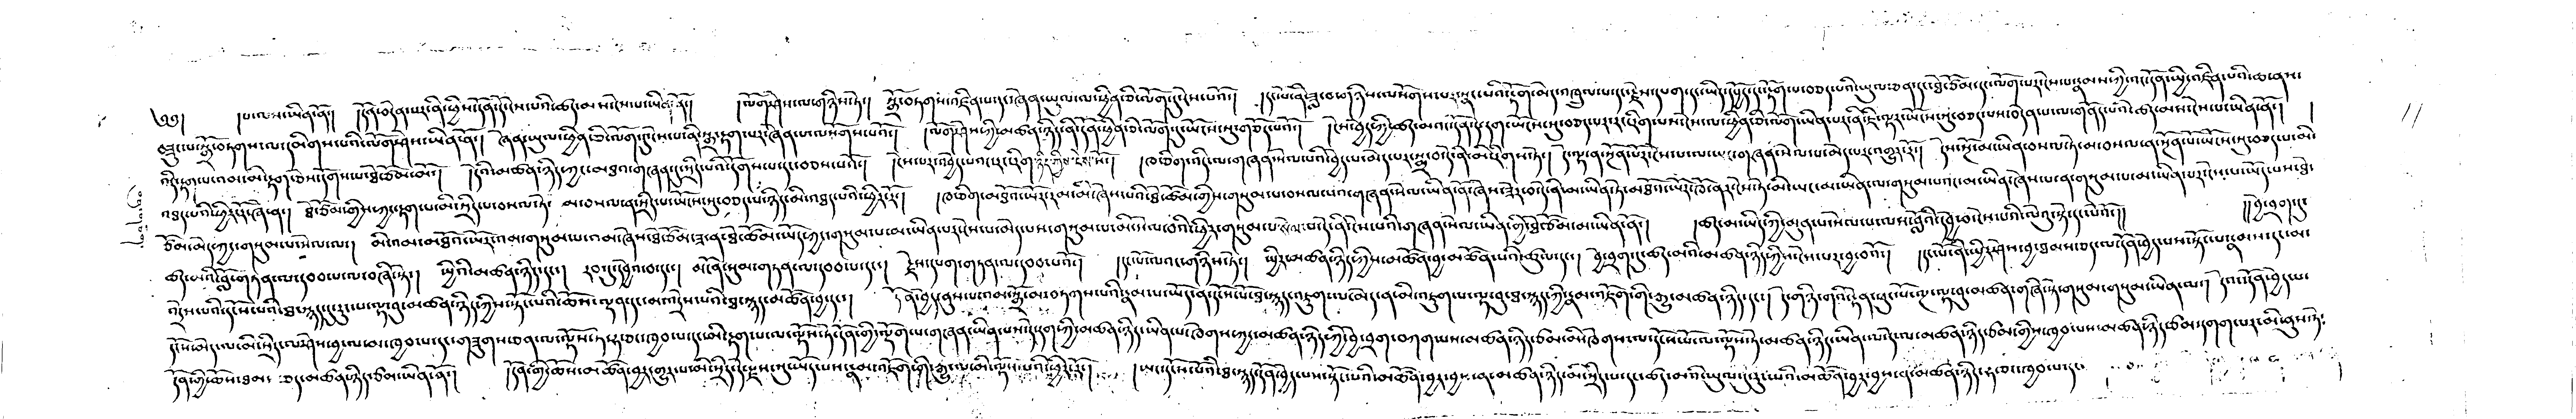༄༅། །པ་ལས་ཡིན་ནོ། །དོན་བདེན་པར་ནི་ཕྱིས་དོན་དེ་ངོས་པའི་ཚད་མས་ངེས་པ་ཡིན་ནོ། །ལོག་ཤེས་ལ་གཉིས་ཏེ། སྒྲོ་བཏགས་འཛིན་པ་དང་ཞེན་ཡུལ་ལ་ཕྱིན་ཅི་ལོག་དུ་ངེས་པའོ། །དང་པོ་ནི་ཟླ་བ་གཉིས་ལ་སོགས་པར་སྣང་པའི་རྟོག་མེད་འཁྲུལ་པ་དང་རྗེས་དཔག་དང་ཡིད་དཔྱོད་དང་རྟོག་པ་བཅད་པའི་ཡུལ་ཅན་དང་ཐེ་ཙོམ་དང་ལོག་པར་ངེས་པ་རྣམས་ཀྱིའང་དོན་སྤྱི་འཛིན་པའི་ཆ་ནས་
བཟུང་པ་སྒྲོ་བཏགས་ལ་དམིགས་པའི་ལོག་ཤེས་ཡིན་ནོ། ཞེན་ཡུལ་ཕྱིན་ཅི་ལོག་དུ་ངེས་པ་ནི་སྒྲ་རྟག་པར་ཞེན་པ་ལ་སོགས་པའོ། །ལོག་ཤེས་ཀྱི་མཚན་ཉིད་ནི་དོན་ཕྱིན་ཅི་ལོག་དུ་ཡོངས་སུ་གཅོད་པའོ། །ངེས་བྱེད་ཀྱི་ཚད་མའང་དོན་དེ་དག་ཡོངས་སུ་བཅད་པར་རང་རིག་པས་ངེས་ལ་ཕྱིན་ཅི་ལོག་ཡིན་པར་ནི་ཇི་ལྟར་ཡོངས་སུ་བཅད་པས་བདེན་པ་ལ་གནོད་པའི་ཚད་མས་ངེས་པ་ཡིན་ནོ།།
འདི་རྟག་པ་འམ་མི་རྟག་ཅེས་དོགས་པ་ཐེ་ཚོམ་མོ། །དེའི་མཚན་ཉིད་ཀྱང་མཐའ་གཞན་དུ་སྲིད་པའི་དོགས་པ་དང་བཅས་པའོ། །ངེས་པར་འབྱེད་པའང་རང་རིག་ཉིད་ཀྱིས་ངེས་སོ། །ཁ་ཅིག་འདི་ལ་གཞན་སོལ་པའི་བྱེད་པ་མེད་པར་སྨྲ་བ་དེ་ནི་མི་རིགས་ཏེ། དེ་ལྟ་ན་སྔོན་པོར་ངེས་པ་ལ་ཡང་གཞན་སེལ་པ་མེད་པར་འགྱུར་རོ། དེས་སྔོ་མ་ཡིན་བསལ་ཏེ་མ་བསལ་ན་སྔོན་པོ་ཡོངས་སུ་བཅད་པ་མི་
འཐད་པའི་ཕྱིར་རོ་ཞེ་ན། ཐེ་ཙོམ་གྱིས་ཀྱང་རྟག་པ་མི་སྲིད་པ་བསལ་ཏེ། མ་བསལ་ན་སྲིད་པ་ཡོངས་སུ་བཅད་པ་ཉིད་མི་འཐད་པའི་ཕྱིར་རོ། །ཁ་ཅིག་མཐོབ་ཡོར་རམ་མི་ཞེས་པའི་ཐེ་ཚོམ་གྱིས་གསུམ་པ་བསལ་པའང་གཞན་སེལ་ཡིན་ནོ་ཞེས་ཟེར་བ་དེ་ནི་མ་ཡིན་ཏེ་མཐོ་དང་པོར་ཁོ་ནར་ངེས་ཏེ་མི་ཡང་མ་ཡིན་ལ་གསུམ་པའང་མ་ཡིན་ཞེས་པ་ན་གསུམ་པ་མ་ཡིན་པར་ངེས་པ་ཡོད་པས་ཐེ་
ཙོམ་མེད་ཀྱང་གསུམ་པ་སེལ་ལ། མི་འམ་མཐོའང་སོར་འམ་གསུམ་པ་འམ་ཞེས་ཐེ་ཚོམ་ཟ་ན་ཐེ་ཚོམ་ཡོད་ཀྱང་གསུམ་པ་མ་ཡིན་པར་ངེས་པ་མེད་པས་གསུམ་པ་མི་དེ་ལ་བའི་ཕྱིར་གསུམ་པ་སེལ་བ་དེ་ནི་ངེས་པའི་གཞན་སེལ་ཡིན་གྱི་ཐེ་ཚོམ་མ་ཡིན་ནོ། །ཚད་མ་ཡིད་ཀྱི་མུན་པ་སེལ་པ་ལས་བློའི་དབྱེ་བ་ངེས་པའི་ལེའུ་སྟེ་དང་པོའོ།། །།བྱེ་བྲག་དུ་
ཚད་མའི་བློ་གཏན་ལ་དབབ་པ་ལ་བཞི་སྟེ། སྤྱིའི་མཚན་ཉིད་དང་། རབ་དུ་དབྱེ་བ་དང་། མངོན་སུམ་གཏན་ལ་དབབ་པ་དང་། རྗེས་དཔག་གཏན་ལ་དབབ་པའོ། །དང་པོ་ལའང་གཉིས་ཏེ། སྤྱིར་མཚན་ཉིད་ཀྱིས་མཚོན་བྱ་མཚོན་པའི་ཚུལ་དང་། བྱེ་བྲག་དུ་ཚད་མའི་མཚན་ཉིད་ཀྱི་ངེས་པར་བྱ་བའོ། །དང་པོ་ནི་སྤྱིར་ཤེས་བྱ་ཐམས་ཅད་ལ་དོན་བྱེད་པས་སྟོང་པ་རྣམས་དང་མ་
འདྲེས་པའི་དངོས་པའི་ཐ་སྙད་དུ་རུང་པ་ལྟ་བུ་མཚན་ཉིད་ཀྱིས་སྟོང་པའི་ཆོས་ལྡན་དང་མ་འདྲེས་པའི་ཐ་སྙད་མཚོན་བྱ་དང་། དོན་བྱེད་ནུས་པ་འམ་སྒྲོ་མ་བཏགས་པའི་རྣམ་པ་ཡོད་ན་དངོས་པོ་ཐ་སྙད་འཇུག་པ་མེད་ན་མི་འཇུག་པ་ལྟ་བུ་ཐ་སྙད་ཀྱི་རྣམ་འཇོག་གི་རྒྱུ་མཚན་ཉིད་དང་། དེ་གཉི་གའི་རྟེན་ཕུང་པོ་ལྔ་ལྟ་བུ་མཚན་གཞི་སྟེ་གསུམ་གསུམ་ཡིན་ལ། དེའང་དོན་བྱེད་པ་
དངོས་མེད་ལ་མི་སྲིད་ལ་ཤེས་བྱ་ལ་མ་ཁྱབ་པ་དང་གཟུགས་ཅན་ལ་ལྟོས་ཏེ་ཧ་ཅང་ཁྱབ་པ་དང་མི་རྟག་པ་ལ་ལྟོས་ཏེ་དོན་གྱི་ལྡོག་པ་གཞན་ཡིན་པས་དེ་དག་ཀྱི་མཚན་ཉིད་ཡིན་པ་ཁེགས་ཀྱང་མཚན་ཉིད་ཀྱི་བྱེ་བྲག་བཀག་པས་མཚན་ཉིད་ཙམ་མི་ཁེགས་ལ་དངོས་པོ་ལ་ལྟོས་ཏེ་མཚན་ཉིད་ཡིན་པ་དེ་ལ་མཚན་ཉིད་ཙམ་གྱིས་ཁྱབ་པས་མཚན་ཉིད་ཙམ་དགག་པར་མི་ནུས་ཏེ།
དོན་གྱི་ཆོས་ཐམས་ཅད་མཚན་ཉིད་ཙམ་ཡིན་ནོ། །དོན་གྱི་ཆོས་མཚོན་བྱར་གྱུར་པ་མི་སྲིད་དེ་རྗེས་སུ་ཡོད་པས་རྣམ་འཇོག་གི་རྒྱུ་ལ་མི་ལྟོས་པའི་ཕྱིར་རོ། །ཡང་དངོས་པོའི་ཐ་སྙད་དོན་བྱེད་པས་སྟོང་པའི་མཚོན་བྱར་བྱས་ན་མཚན་ཉིད་མི་སྲིད་པ་དང་ཚད་མའི་ཡུལ་དུ་རུང་པའི་མཚོན་བྱར་བྱས་ན་མཚན་ཉིད་མི་སྲིད་པ་དང་། ཚད་མའི་ཡུ་དུ་རུང་བའི་མཚོན་བྱར་བྱས་ན་མཚན་ཉྡི་ཧ་ཅང་ཁྱབ་པ་དང་།